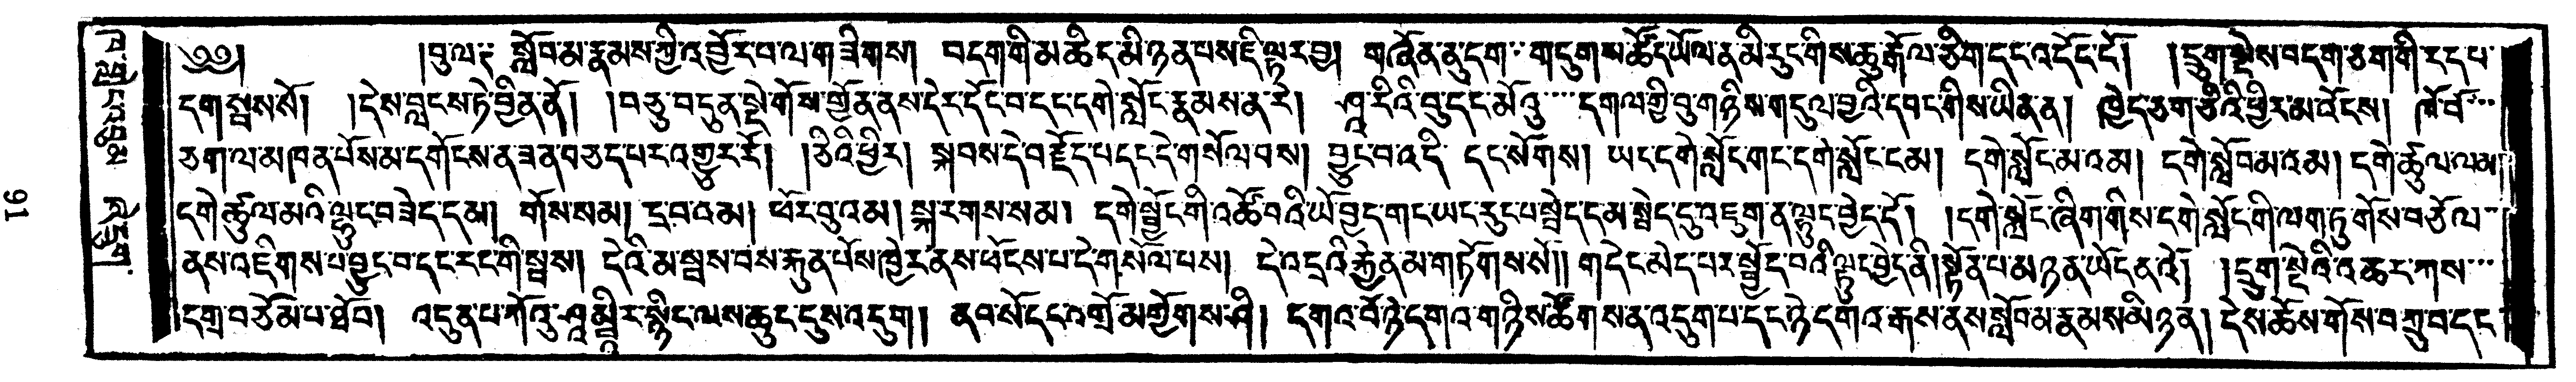༄༅། །བུ་ལ༑ སློབ་མ་རྣམས་ཀྱི་འབྱོར་བ་ལ་གཟིགས། བདག་གི་མཆིད་མི་ཉན་པས་ཇི་ལྟར་བྱ། གཞོན་ནུ་དག༑ གདུགས་ཚོད་ཡོལ་ན་མི་རུང་གིས་ཆུ་རྒོལ་ཅིག་དང་འདོང་ངོ། །དྲུག་སྡེས་བདག་ཅག་གི་རད་པ་
དག་སྦས་སོ། །དེས་བླངས་ཏེ་བྱིན་ནོ། །བཅུ་བདུན་སྡེ་གོས་གྱོན་ནས་དེར་དོང་བ་དང་དགེ་སློང་རྣམས་ན་རེ། ཤཱ་རིའི་བུ་དང་མོའུ་དགལ་གྱི་བུ་གཉིས་གདུལ་བྱའི་དབང་གིས་ཡིན་ན། ཁྱེད་ཅག་ཅིའི་ཕྱིར་མ་འོངས། ཁོ་བོ་
ཅག་ལ་མཁན་པོས་མ་དགོངས་ན་ཟན་བཅད་པར་འགྱུར་རོ། །ཅིའི་ཕྱིར། སྐབས་དེ་བརྗོད་པ་དང་དེ་གསོལ་བས། བྱུང་བ་འདི་དང་སོགས། ཡང་དགེ་སློང་གང་དགེ་སློང་ངམ། དགེ་སློང་མའམ། དགེ་སློབ་མའམ། དགེ་ཚུལ་ལམ་
དགེ་ཚུལ་མའི་ལྷུང་བཟེད་དམ། གོས་སམ། དྲ་བ་འམ། ཕོར་བུ་འམ། སྐ་རགས་སམ། དགེ་སྦྱོང་གི་འཚོ་བའི་ཡོ་བྱད་གང་ཡང་རུང་པ་སྦེད་དམ་སྦེད་དུ་འཇུག་ན་ལྟུང་བྱེད་དོ། །དགེ་སློང་ཞིག་གིས་དགེ་སློང་གི་ལག་ཏུ་གོས་བཅོལ་
ནས་འཇིགས་པ་བྱུང་བ་དང་རང་གི་སྦས། དེའི་མ་སྦས་བས་རྐུན་པོས་ཁྱེར་ནས་ཕོངས་པ་དེ་གསོལ་པས། དེ་འདྲའི་རྐྱེན་མ་གཏོགས་སོ།། གདེང་མེད་པར་སྦྱོད་བའི་ལྟུང་བྱེད་ནི། སྟོན་པ་མཉན་ཡོད་ནའོ། །དྲུག་སྡེའི་འཆར་ཀས་
དགྲ་བཅོམ་པ་ཐོབ། འདུན་པ་ཀོའུ་ཤཱམྦཱིར་སྙིང་ལས་ཆུང་ངུས་འདུག། ནབ་སོ་དང་འགྲོ་མགྱོགས་ཤི། དགའ་བོ་ཉེ་དགའ་གཉིས་ཚོགས་ན་འདུག་པ་དང་ཉེ་དགའ་རྒས་ནས་སློབ་མ་རྣམས་མི་ཉན། དེས་ཆོས་གོས་བཀྲུ་བ་དང་